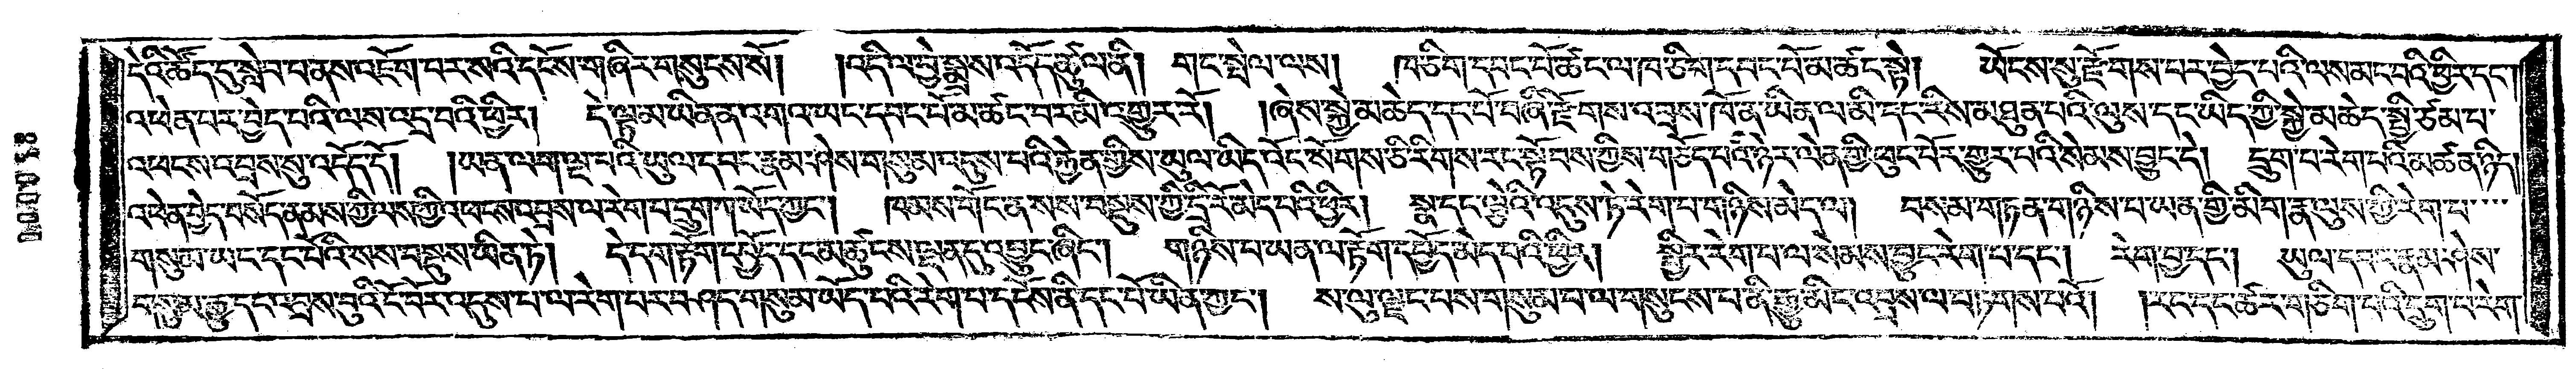དེའི་ཚོད་དུ་སླེབ་པ་ནས་འཇོག་པར་སའི་དངོས་གཞིར་གསུངས་སོ། །འདི་ལ་བྱེ་སྨྲས་འདོད་ཚུལ་ནི། གང་སྤེལ་ལས། ཁ་ཅིག་དབང་པོ་ཚང་ལ་ཁ་ཅིག་དབང་པོ་མ་ཚང་སྟེ། ཡོངས་སུ་རྫོགས་པར་བྱེད་པའི་ལས་མང་བའི་ཕྱིར་དང་།
འཕེན་པར་བྱེད་པའི་ལས་འདྲ་བའི་ཕྱིར། དེ་ལྟ་མ་ཡིན་ན་འགའ་ཡང་དབང་པོ་མཚང་བར་མི་འགྱུར་རོ། །ཞེས་སྐྱེ་མཆེད་དང་པོ་བཞི་རྫོགས་འབྲས་ཁོ་ན་ཡིན་ལ་མི་དང་རིས་མཐུན་པའི་ལུས་དང་ཡིད་ཀྱི་སྐྱེ་མཆེད་སྤྱི་ཙམ་པ་
འཕངས་འབྲས་སུ་འདོད་དོ། །ཡན་ལག་ལྔ་པའི་ཡུལ་དབང་རྣམ་ཤེས་གསུམ་འདུས་པའི་རྐྱེན་གྱིས་ཡུལ་ཡིད་འོང་སོགས་ཅི་རིགས་རང་སྟོབས་ཀྱིས་གཅིག་པའི་ཉེར་ལེན་གྱི་ཕུང་པོར་གྱུར་པའི་སེམས་གྱུད་དེ། དྲུག་པ་རེག་པའི་མཚན་ཉིད།
འཕེན་བྱེད་བསོད་ནམས་ཀྱི་ལས་ཀྱི་འཕངས་འབྲས་ལ་རེག་པ་དྲུག་ཀ་ཡོད་ཀྱང་། ཁམས་གོང་ན་སས་བསྡུས་ཀྱི་དྲི་རོ་མེད་པའི་ཕྱིར། སྣ་དང་ལྕེའི་འདུས་ཏེ་རེག་པ་གཉིས་མེད་ལ། བསམ་གཏན་གཉིས་པ་ཡན་གྱི་མིག་རྣ་ལུས་ཀྱི་དེག་པ་
གསུམ་ཡང་དང་པོའི་སས་བསྡུས་ཡིན་ཏེ། དེ་དག་རྟོག་དཔྱོད་དང་མཚུངས་ལྡན་དུ་འབྱུང་ཞིང་། གཉིས་པ་ཡན་ལ་རྟོགས་དཔྱོད་མེད་པའི་ཕྱིར། སྤྱིར་རེག་པ་ལ་སེམས་བྱུང་རེག་པ་དང་། རེག་བྱ་དང་། ཡུལ་དབང་རྣམ་ཤེས་
གསུམ་རྫུད་དང་འབྲས་བུའི་ངོ་བོར་འདུས་པ་ལ་རེག་པར་བཤད་གསུམ་ཡོད་པའི་རེག་པ་དངོས་ནི་དང་པོ་ཡིན་ཀྱན།ག་ས་ལུ་ལྗང་པས་གསུམ་པ་ལ་གསུངས་པ་ནི་རྒྱུ་མིང་འབྲས་ལ་བཏགས་པའོ། །རང་དང་ཚང་གཅིག་པའི་དྲུག་པ་རེག་